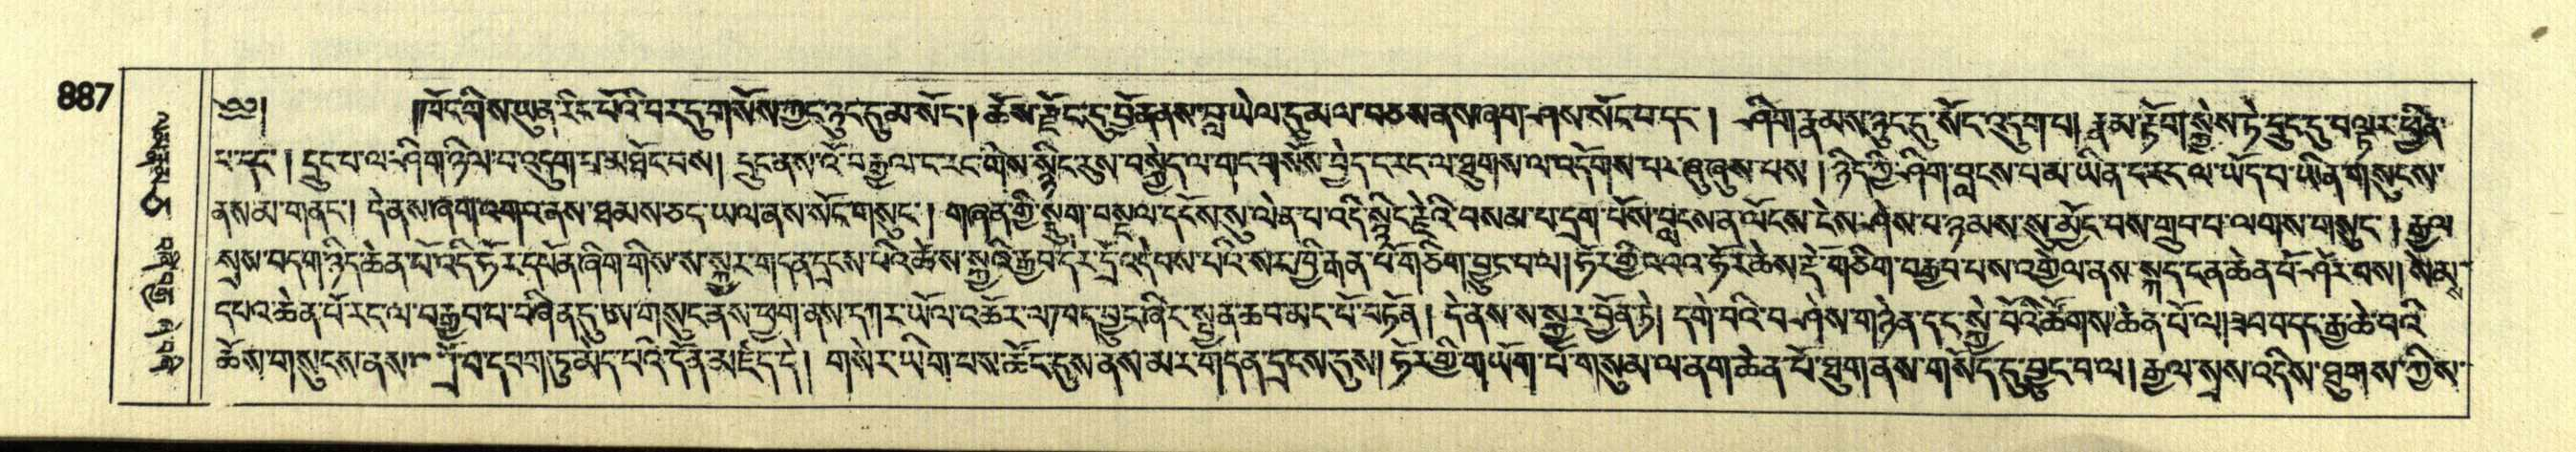༄༅། །ཁོང་གིས་ཡུན་རིང་པོའི་བར་དུ་གསོས་ཀྱང་ཉུང་དུ་མ་སོང་། ཆོས་རྫོང་དུ་བྱོན་ནས་བླ་ཡེལ་དུ་མལ་བཅས་ནས་ཞག་ཤས་སོང་བ་དང་། ཤིག་རྣམས་ཉུང་དུ་སོང་འདུག་པ། རྣམ་རྟོག་སྐྱེས་ཏེ་དྲུང་དུ་བལྟར་ཕྱིན་
པ་དང་། དྲུང་པ་ལ་ཤིག་ཉིལ་བ་འདུག་པ་མཐོང་བས། དྲུང་ནས་འོ་བརྒྱལ་ང་རང་གིས་སྙིང་རུས་བསྐྱེད་ལ་གང་གསོས་བྱེད་ང་རང་ལ་ཐུགས་ལ་འདོགས་པར་ཞུ་ཞུས་པས། ཉིད་ཀྱི་ཤིག་བླངས་པ་མ་ཡིན་ང་རང་ལ་ཡོད་པ་ཡིན་གསུངས་
ནས་མ་གནང་། དེ་ནས་ཞག་འགའ་ནས་ཐམས་ཅད་ཡལ་ནས་སོང་གསུང་། གཞན་གྱི་སྡུག་བསྔལ་དངོས་སུ་ལེན་པ་འདི་སྙིང་རྗེའི་བསམ་པ་དྲག་པོས་བླངས་ན་ལོངས་ངེས་ཤེས་པ་ཉམས་སུ་མྱོང་བས་གྲུབ་པ་ལགས་གསུང་། རྒྱལ་
སྲས་བདག་ཉིད་ཆེན་པོ་འདི་ཧོར་དཔོན་ཞིག་གིས་ས་སྐྱར་གདན་དྲངས་པའི་ཚེ་ས་སྐྱའི་རྒྱབ་དེར་དྲོ་འདེབས་པའི་སར་ཁྱི་རྒན་པོ་གཅིག་བྱུང་བ་ལ། ཧོར་གྱི་འབའ་ཧོར་ཆེས་རྡོ་གཅིག་བརྒྱབ་པས་འགྱེལ་ནས་སྐད་ངན་ཆེན་པོ་ཤོར་བས། སེམས་
དཔའ་ཆེན་པོ་རང་ལ་བརྒྱབ་པ་བཞིན་དུ་ཨ་གསུང་ནས་ཕྱག་ནས་དཀར་ཡོལ་འཆོར་ལ་ཁད་བྱུང་ཞིང་སྤྱན་ཆབ་མང་པོ་བཏོན། དེ་ནས་ས་སྐྱར་བྱོན་ཏེ། དགེ་བའི་བཤེས་གཉེན་དང་སྐྱེ་བོའི་ཚོགས་ཆེན་པོ་ལ། ཟབ་བ་དང་རྒྱ་ཆེ་བའི་
ཆོས་གསུངས་ནས་འགྲོ?་བ་དཔག་ཏུ་མེད་པའི་དོན་མཛད་དེ། གསེར་ཡིག་པས་ཚོང་དུས་ནས་མར་གདན་དྲངས་དུས། ཧོར་གྱི་གཡོག་པོ་གསུམ་ལ་ནག་ཆེན་པོ་ཐུག་ནས་གསོད་དུ་བྱུང་བ་ལ། རྒྱལ་སྲས་འདིས་ཐུགས་ཀྱིས་